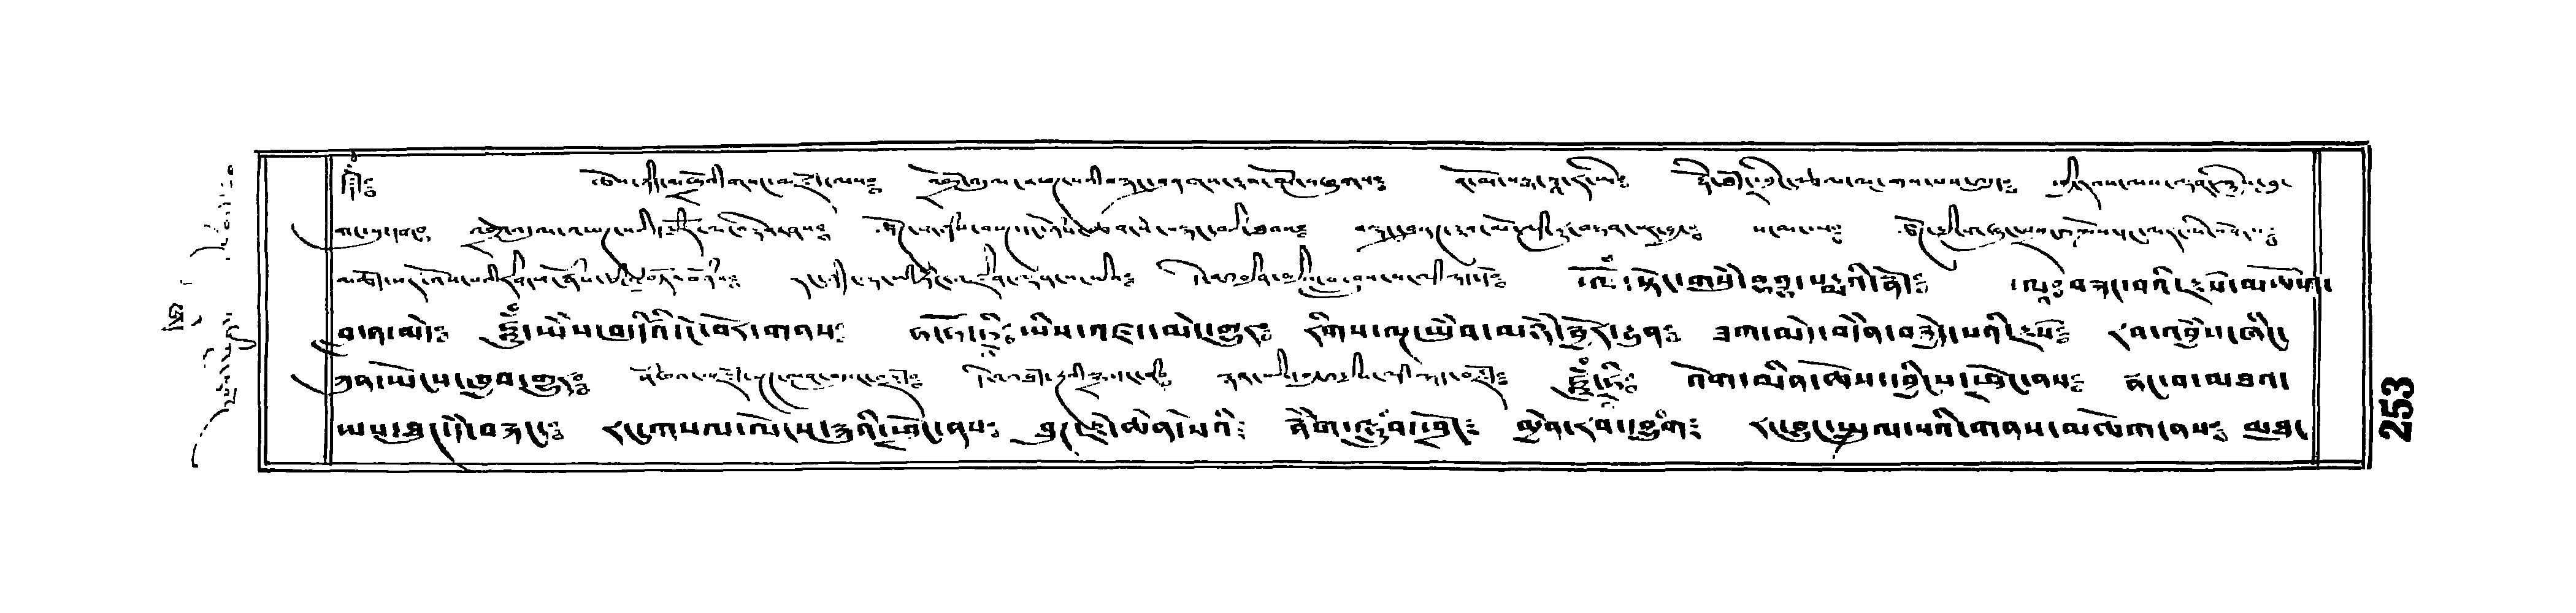ཆོས་ཉིད་མཁའ་འགྲོའི་གསང་མཛོད་ལས༔ འགྲོ་འདུལ་འཕགས་པའི་བསྐང་བཤགས་ཟབ་མོ་བཞུགས༔ ན་མོ་པདྨ་ཀཱ་ར་ཡེ༔ རྡོ་རྗེ་ཐོད་ཕྲེང་རྩལ་ལ་གུས་པས་འདུད༔ ཕྱི་རབས་ལས་ལྡན་སྐྱེས་བུ་
གང་སུ་དག༔ འགྲོ་འདུལ་འཕགས་པའི་དཀྱིལ་འཁོར་ལ་བརྟེན་ནས༔ ཚོགས་གཉིས་གསོག་དང་ཉམས་ཆག་བསྐང་བའི་ཐབས༔ བསྐང་བཤགས་ཟབ་མོ་འདི་རུ་བསྟན་པར་བྱ༔ ས་མ་ཡ༔ ཚོགས་ཀྱི་གཞུང་བསྲངས་སྤོས་དང་མར་མེ་སོགས༔ 
མཆོད་པར་འོས་པའི་རིགས་རྣམས་ཅི་འབྱོར་བཤམས༔ རང་ཉིད་ལྷ་ཡི་ཏིང་འཛིན་ལྡན་པ་ཡིས༔ དེ་ནས་བྱིན་གྱིས་བརླབས་པ་འདི་སྐད་དོ༔ ཨོཾ༔སྟོང་གསུམ་བྷནྡྷ་པདྨའི་སྣོད༔ ཨཱཿབསྐང་བའི་རྫས་མཆོག་
བླ་ན་མེད༔ ཧཱུྃ༔ཡེ་ཤེས་བདུད་རྩིའི་ངོ་བོར་གནས༔ ཧ་ཧོ་ཧྲཱིཿཡིས་འཛད་མེད་གྱུར༔ རིགས་ལྔ་ཡབ་ཡུམ་མཉམ་སྦྱོར་རྒྱུན༔ ཟག་མེད་བདེ་ཆེན་བསྐྱེད་པའི་རྫས༔ རབ་འབྱམས་ཞིང་
ཀུན་ཡོངས་ཁྱབ་གྱུར༔ ནམ་མཁའ་མཛོད་སྔགས་ལན་བདུན་བརྗོད༔ དེ་ནས་ཐོད་རྔའི་སྒྲ་དང་ནི༔ སྙན་པའི་དབྱངས་ཀྱིས་འདི་སྐད་བརྗོད༔ ཧཱུྃ་ཧྲཱིཿ འོག་མིན་ཆོས་དབྱིངས་ཕོ་བྲང་ནས༔ སྣང་བ་མཐའ་
ཡས་ཐུགས་དམ་བསྐང༔ རང་གསལ་ལོངས་སྐུའི་ཕོ་བྲང་ནས༔ ཐུགས་རྗེ་ཆེན་པོའི༴ རྣམ་དག་ལྷུན་གྲུབ་ཕོ་བྲང་ནས༔ མཁྱེན་རབ་དབང་ཕྱུག༴ རང་བྱུང་སྤྲུལ་པའི་གནས་མཆོག་ནས༔ མཐུ་